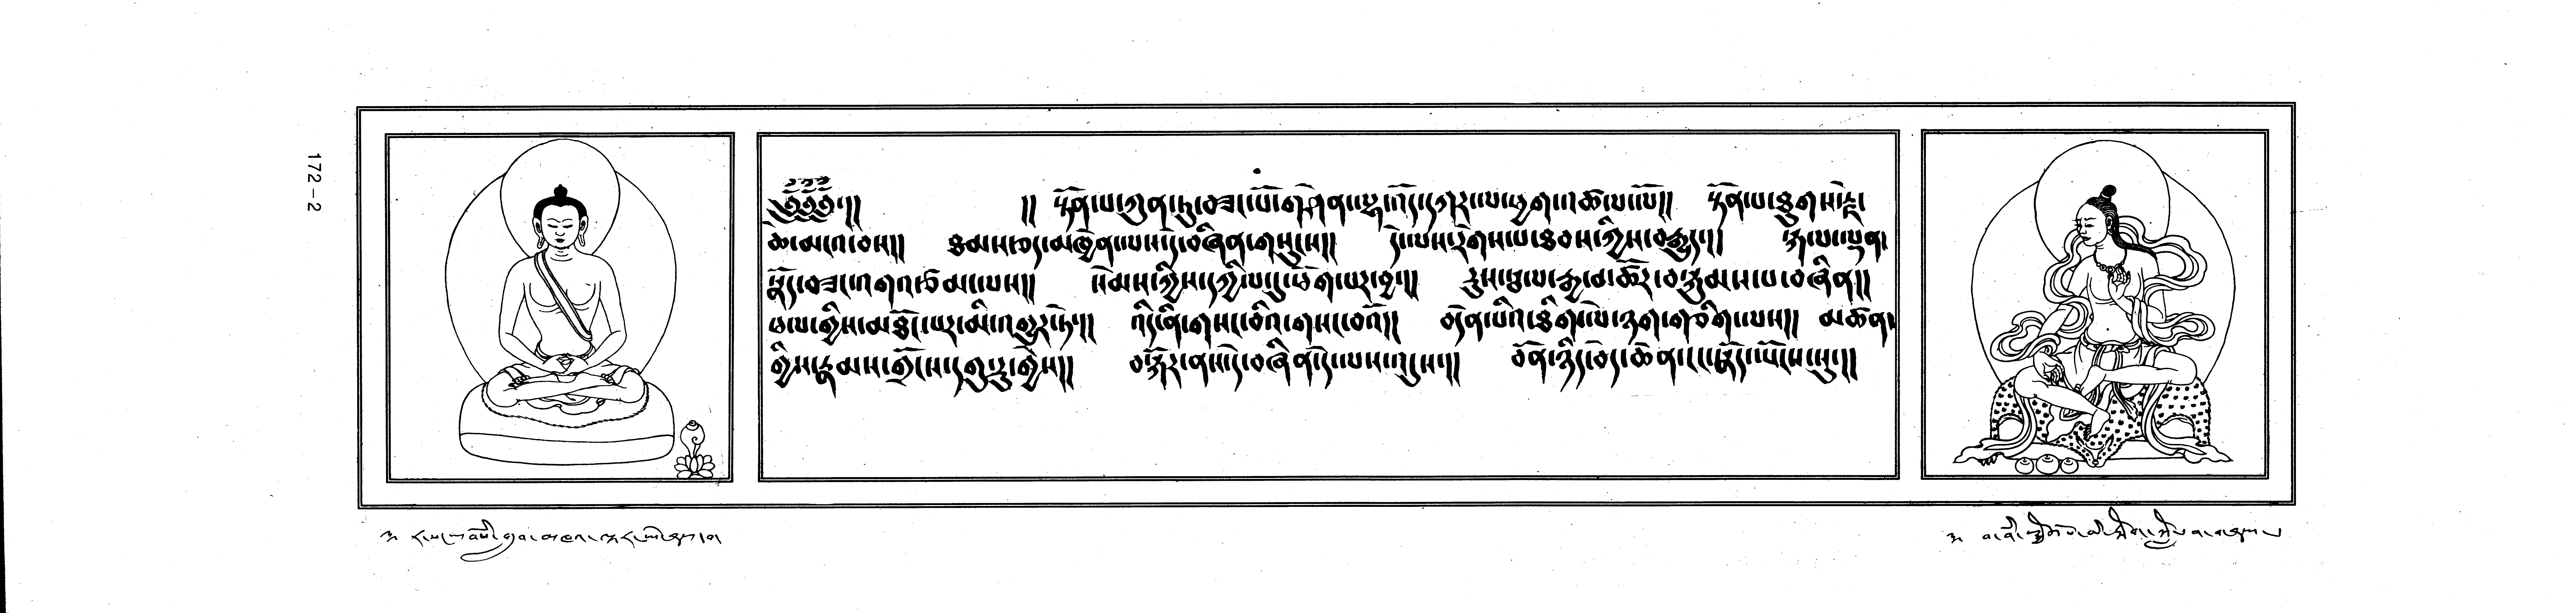༄༅༅།། །།སྟོན་པ་ཀུན་ཏུ་བཟང་པོ་གཤེན་ལྷ་འོད་དཀར་ལ་ཕྱག་འཚལ་ལོ། སྟོན་པ་ཐུགས་རྗེ་
ཆེ་མངའ་བས། ཐམས་ཅད་མཁྱེན་ལས་དེ་བཞིན་གསུངས། དེ་ལས་རིག་པ་ཐབས་ཀྱིས་བརྒྱུད། སྐལ་ལྡན་
སྣོད་བཟང་འགའ་ཙམ་ལ། སེམས་ཀྱི་དཀྱིལ་དུ་ཕོག་པར་བྱ། རུས་སྦལ་རྒྱ་མཚོར་བསྐུམས་པ་བཞིན། 
ཕལ་གྱིས་མཐོང་པར་མི་འགྱུར་ཏེ། འདི་ནི་གསང་བའི་གསང་བའོ། བདེན་པའི་ཐིག་ལེ་ཉག་གཅིག་ལས། མཚན་
གྱིས་རྣམ་གྲངས་དགུ་རུ་གྱེས། བསྐོར་ནས་དེ་བཞིན་དེ་ལས་འདུས། བོན་ཉིད་བདེ་ཆེན་སྣོད་ཡངས་སུ།